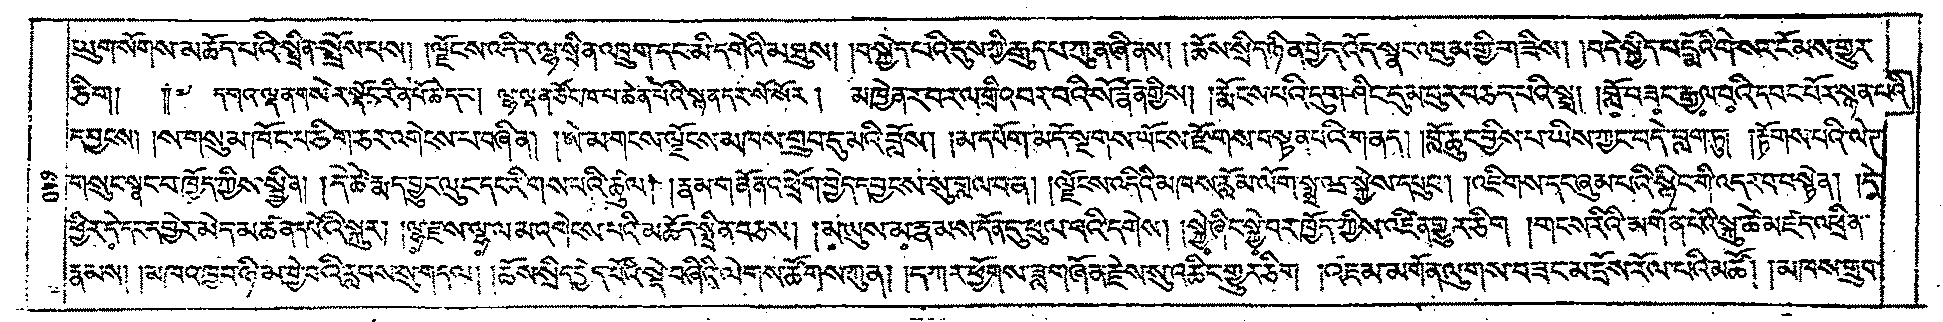ཡུག་སོགས་མཆོད་པའི་སྤྲིན་སྤྲོས་པས། །ལྗོངས་འདིར་ལྷ་སྲིན་འཁྲུག་དང་མི་དགེའི་མཐུས། །བསྐྱེད་པའི་དུས་ཀྱི་རྒུད་པ་ཀུན་ཞི་ནས། །ཆོས་སྲིད་ཉིན་བྱེད་འོད་སྣང་འབུམ་གྱི་གཟིས། །བདེ་སྐྱིད་པདམོའི་གེ་སར་ངོམས་གྱུར་
ཅིག ། །།༧དགའ་ལྡན་གསེར་སྡོང་རིན་པོ་ཆེ་དང་། ལྷ་ལྡན་ཙོང་ཁ་པ་ཆེན་པོའི་སྙན་དར་སོ་སོར།  མཁྱེན་རབ་རལ་གྲི་འབར་བའི་སོ་རྣོན་གྱིས། །རྨོངས་པའི་དུག་ཤིང་དུམ་བུར་བཅད་པའི་སྒྲ། །བློ྾་བཟང྾་རྒྱལ྾་བའི྾་དབང་པོར་སྙན་པའི་
དབྱངས། །ས་གསུམ་ཁོང་པ་ཅིག་ཅར་འགེངས་པ་བཞིན། །ཨེ་མ་གངས་ལྗོངས་མཁས་གྲུབ་དུ་མའི་བློས། །མ་དཔོག་མདོ་སྔགས་ཡོངས་རྫོགས་བསྟན་པའི་གནད། །བློ་ཆུང་བྱིས་པ་ཡིས་ཀྱང་བདེ་བླག་ཏུ། །རྟོགས་པའི་ལེགས་
གསུང་སྣང་བ་ཁྱོད་ཀྱིས་སྦྱིན། །དེ་ཚེ་རྨད་བྱུང་ལུང་དང་རིགས་པའི་ཚུལ། །རྣམ་གནོན་འཕྲོག་བྱེད་དབྱངས་སུ་གླལ་བ་ན། །ལྗོངས་འདིའི་མཁས་རློམ་ལོག་སྨྲ་ཝ་སྐྱེས་དཔུང་། །འཇིགས་དང་ཞུམ་པའི་སྙིང་གི་འདར་བ་བསྟེན། །དེ྾་
ཕྱིར་དེ྾་དང་དབྱེར་མེད་མཚན་དཔེའི་སྐུར། །ལྷ྾་རྫས་ལྷ྾་ལམ་འགེངས་པའི་མཆོད་སྤྲིན་བཅས། །མ྾་ལུས་མ྾་རྣམས་དོན་དུ་ཕུལ་བའི་དགེས། །སྐྱེ྾་ཞིང་སྐྱེ྾་བར་ཁྱོད་ཀྱིས་འཛིན་གྱུར་ཅིག །གངས་རིའི་མགོན་པོའི་སྐུ་ཚེ་མཛད་འཕྲིན་
རྣམས། །མཁའ་ཁྱབ་ཉི་མ་བྱེ་བའི་རླབས་སུ་གདལ། །ཆོས་སྲིད་བྱེད་པོའི་སྡེ་བཞིའི་ལེགས་ཚོགས་ཀུན། །དཀར་ཕྱོགས་ཟླ་གཞོན་རྗེས་སུ་འཆིང་གྱུར་ཅིག །འཇམ་མགོན་ལུགས་བཟང་མ་དྲོས་རོལ་པའི་མཚོ། །མཁས་གྲུབ་